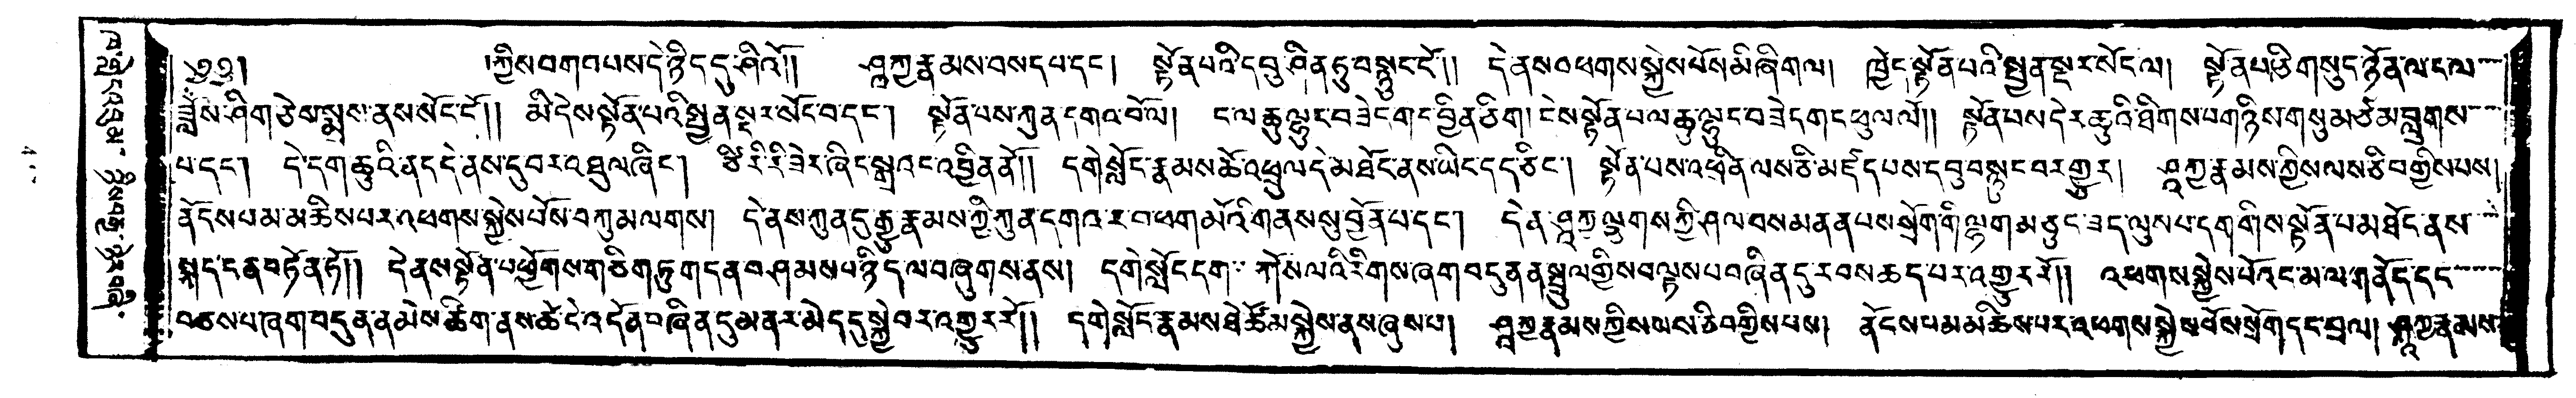༄༅། །ཀྱིས་བགབ་པས་དེ་ཉིད་དུ་ཤིའོ། །ཤཱཀྱ་རྣམས་བསད་པ་དང་། སྟོན་པའི་དབུ་ཤིན་ཏུ་བསྙུང་ངོ། །དེ་ནས་འཕགས་སྐྱེས་པོས་མི་ཞིག་ལ། ཁྱོད་སྟོན་པའི་སྤྱན་སྔར་སོང་ལ། སྟོན་པ་ཅིག་གསུང་ཉོན་ལ་ད་ལ་
ཟློས་ཤིག་ཅེས་སྨྲས་ནས་སོང་ངོ། །མི་དེས་སྟོན་པའི་སྤྱན་སྡར་སོང་བ་དང་། སྟོན་པས་ཀུན་དགའ་བོ་ལ། ང་ལ་ཆུ་ལྷུང་བཟེད་གང་བྱིན་ཅིག །དེས་སྟོན་པ་ལ་ཆུ་ལྷུང་བཟེད་གང་ཕུལ་ལོ། །སྟོན་པས་དེར་ཆུའི་ཐིགས་པ་གཉིས་གསུམ་ཙམ་བླུགས་
པ་དང་། དེ་དག་ཆུའི་ནང་དེ་ནས་དུ་བར་འཐུལ་ཞིང་། ཙི་རི་རི་ཟེར་ཞིང་སྒྲའང་འབྱིན་ནོ། །དགེ་སློང་རྣམས་ཆོ་འཕྲུལ་དེ་མཐོང་ནས་ཡིད་དད་ཅིང་། སྟོན་པས་འཕྲིན་ལས་ཅི་མཛད་པས་དབུ་བསྙུང་བར་གྱུར། ཤཱཀྱ་རྣམས་ཀྱིས་ལས་ཅི་བགྱིས་པས།
ནོངས་པ་མཆིས་པར་འཕགས་སྐྱེས་པོས་བཀུམ་ལགས། དེ་ནས་ཀུན་དུ་རྒྱུ་རྣམས་ཀྱི་ཀུན་དགའ་ར་བ་ཕག་མོའི་གནས་སུ་བྱོན་པ་དང་། དེ་ན་ཤཱཀྱ་ལྕགས་ཀྱི་ཤལ་བས་མནན་པས་སྲོག་གི་ལྷག་མ་ཅུང་ཟད་ལུས་པ་དག་གིས་སྟོན་པ་མཐོང་ནས་
སྐད་ངན་བཏོན་ཏོ། །དེ་ནས་སྟོན་པ་ཕྱོགས་གཅིག་ཏུ་གདན་བཤམས་པ་ཉིད་ལ་བཞུགས་ནས། དགེ་སློང་དགཿ ཀོས་ལའི་རིགས་ཞག་བདུན་ན་སྤྲུལ་གྱིས་བལྟས་པ་བཞིན་དུ་རབས་ཆད་པར་འགྱུར་རོ། །འཕགས་སྐྱེས་པོའང་མ་ལ་གནོད་དང་
བཅས་པ་ཞག་བདུན་ན་མེས་ཚིག་ནས་ཚེ་ངེ་འདོན་བཞིན་དུ་མནར་མེད་དུ་སྐྱེ་བར་འགྱུར་རོ། །དགེ་སློང་རྣམས་ཐེ་ཚོམ་སྐྱེས་ནས་ཞུས་པ། ཤཱཀྱ་རྣམས་ཀྱིས་ལས་ཅི་བགྱིས་པས། ནོངས་པམ་མཆིས་པར་འཕགས་སྐྱེས་བོས་སྲོག་དང་བྲལ། ཤཱཀྱ་རྣམས་